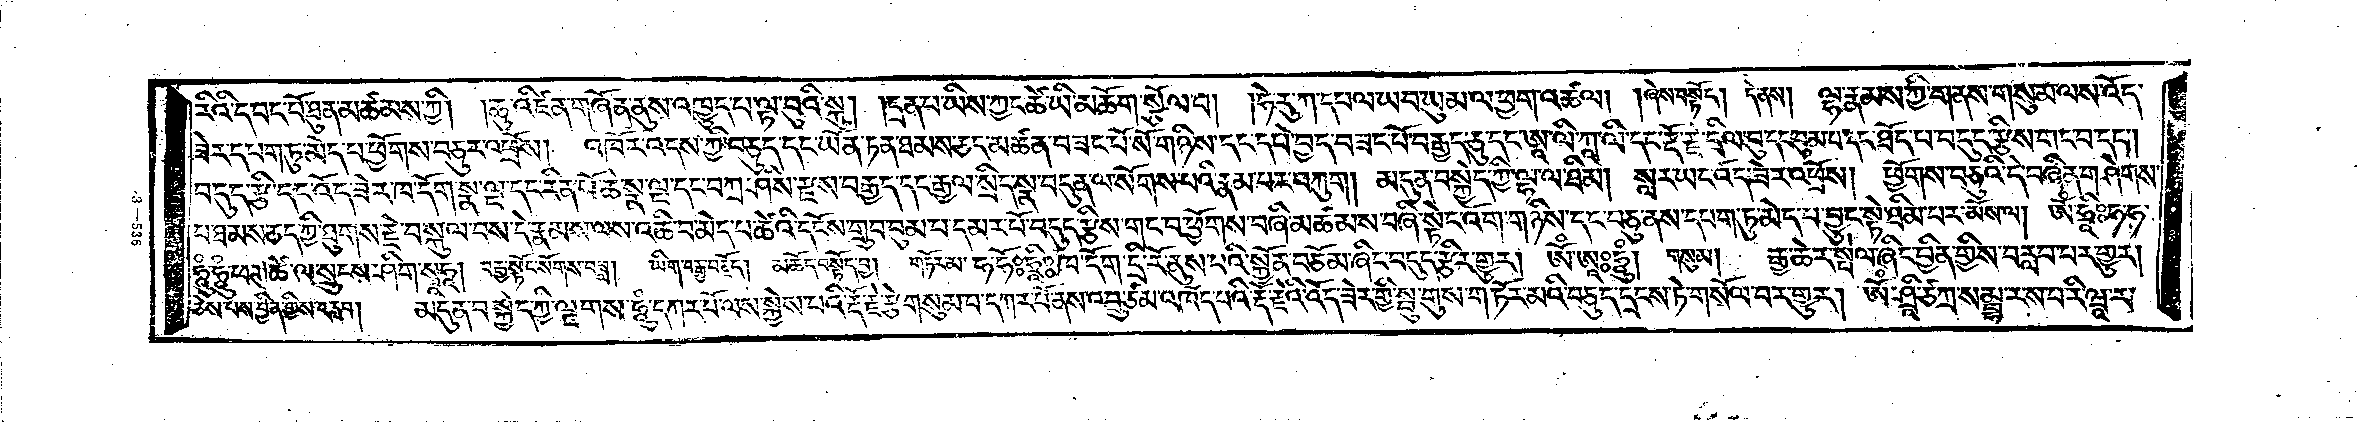རིའི་དབང་པོ་ཐུན་མཚམས་ཀྱི། །ཆུ་འཛིན་གཞོན་ནུས་འཁྱུད་པ་ལྟ་བུའི་སྐུ། །དྲན་པ་ཡིས་ཀྱང་ཚེ་ཡི་མཆོག་སྩོལ་བ། །ཧེ་རུ་ཀ་དཔལ་ཡབ་ཡུམ་ལ་ཕྱག་འཚལ། །ཞེས་བསྟོད། དེ་ནས།  ལྷ་རྣམས་ཀྱི་གནས་གསུམ་ལས་འོད་
ཟེར་དཔག་ཏུ་མེད་པ་ཕྱོགས་བཅུར་འཕྲོས། འཁོར་འདས་ཀྱི་བཅུད་དང་ཡོན་ཏན་ཐམས་ཅད་མཚན་བཟང་པོ་སོ་གཉིས་དང་དཔེ་བྱད་བཟང་པོ་བརྒྱད་ཅུ་དང་ཨཱ་ལི་ཀཱ་ལི་དང་རྡོ་རྗེ་དྲིལ་བུ་དང་བུམ་པ་དང་ཐོད་པ་བདུད་རྩིས་གང་བ་དང་།
བདུད་རྩི་དང་འོད་ཟེར་ཁ་དོག་སྣ་ལྔ་དང་རིན་པོ་ཆེ་སྣ་ལྔ་དང་བཀྲ་ཤིས་རྫས་བརྒྱད་དང་རྒྱལ་སྲིད་སྣ་བདུན་ལ་སོགས་པའི་རྣམ་པར་བཀུག །མདུན་བསྐྱེད་ཀྱི་ལྷ་ལ་ཐིམ། སླར་ཡང་འོད་ཟེར་འཕྲོས། ཕྱོགས་བཅུའི་དེ་བཞིན་གཤེགས་
པ་ཐམས་ཅད་ཀྱི་ཐུགས་རྗེ་བསྐུལ་བས་དེ་རྣམས་ལས་འཆི་བ་མེད་པ་ཚེའི་དངོས་གྲུབ་བུམ་པ་དམར་པོ་བདུད་རྩིས་གང་བ་ཕྱོགས་བཞི་མཚམས་བཞི་སྟེང་འོག་གཉིས་དང་བཅུ་ནས་དཔག་ཏུ་མེད་པ་བྱུང་སྟེ་ཐིམ་པར་མོས་ལ།  ཨོཾ་ཧྲཱིཿཧ་ཧ་
ཧཱུཾ་ཧཱུཾ་ཕཊ། ཚེ་ལ་སྲུངས་ཤིག་སྭཱཧཱ། བརྒྱ་སྟོང་སོགས་བཟླ། ཡིག་བརྒྱ་བརྗོད། མཆོད་བསྟོད་བྱ། གཏོར་མ་ཧ་ཧོཿཧྲཱིཿཁ་དོག་དྲི་རོ་ནུས་པའི་སྐྱོན་བཅོམ་ཞིང་བདུད་རྩིར་གྱུར། ཨོཾ་ཨཱཿཧཱུཾ། གསུམ།  རྒྱ་ཆེར་སྤེལ་ཞིང་བྱིན་གྱིས་བརླབ་པར་གྱུར།
ཅེས་པས་བྱིན་གྱིས་བརླབ།  མདུན་བསྐྱེད་ཀྱི་ལྗགས་ཧཱུཾ་དཀར་པོ་ལས་སྐྱེས་པའི་རྡོ་རྗེ་རྩེ་གསུམ་པ་དཀར་པོ་ནས་འབྲུ་ཙམ་འཁོད་པའི་རྡོ་རྗེའི་འོད་ཟེར་གྱི་སྦུ་གུས་གཏོར་མའི་བཅུད་དྲངས་ཏེ་གསོལ་བར་གྱུར། ཨོཾ་ཤྲཱི་ཙཀྲ་སམྦྷ་ར་ས་པ་རི་ཝཱ་ར་